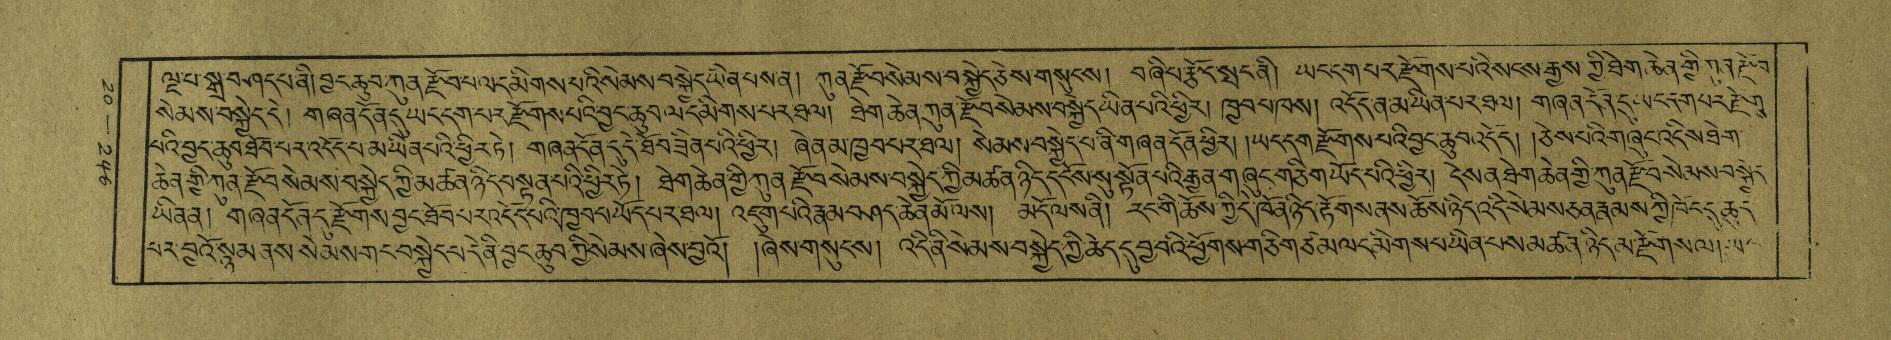ལྔ་པ་སྒྲ་བཤད་པ་ནི། བྱང་ཆུབ་ཀུན་རྫོབ་པ་ལ་དམིགས་པའི་སེམས་བསྐྱེད་ཡིན་པས་ན། ཀུན་རྫོབ་སེམས་བསྐྱེད་ཅེས་གསུངས། བཞི་པ་རྩོད་སྤང་ནི། ཡང་དག་པར་རྫོགས་པའི་སངས་རྒྱས་ཀྱི་ཐེག་ཆེན་གྱི་ཀུན་རྫོབ་
སེམས་བསྐྱེད་དེ། གཞན་དོན་དུ་ཡང་དག་པར་རྫོགས་པའི་བྱང་ཆུབ་ལ་དམིགས་པར་ཐལ། ཐེག་ཆེན་ཀུན་རྫོབ་སེམས་བསྐྱེད་ཡིན་པའི་ཕྱིར། ཁྱབ་པ་ཁས། འདོད་ན་མ་ཡིན་པར་ཐལ། གཞན་དོན་དུ་ཡང་དག་པར་རྫོགས་
པའི་བྱང་ཆུབ་ཐོབ་པར་འདོད་པ་མ་ཡིན་པའི་ཕྱིར་ཏེ། གཞན་དོན་དུ་དེ་ཐོབ་ཟིན་པའི་ཕྱིར། ཞེ་ན་མ་ཁྱབ་པར་ཐལ། སེམས་བསྐྱེད་པ་ནི་གཞན་དོན་ཕྱིར། །ཡང་དག་རྫོགས་པའི་བྱང་ཆུབ་འདོད། །ཅེས་པའི་གཞུང་འདིས་ཐེག་
ཆེན་གྱི་ཀུན་རྫོབ་སེམས་བསྐྱེད་ཀྱི་མཚན་ཉིད་བསྟན་པའི་ཕྱིར་ཏེ། ཐེག་ཆེན་གྱི་ཀུན་རྫོབ་སེམས་བསྐྱེད་ཀྱི་མཚན་ཉིད་དངོས་སུ་སྟོན་པའི་རྒྱན་གཞུང་གཅིག་ཡོད་པའི་ཕྱིར། དེས་ན་ཐེག་ཆེན་གྱི་ཀུན་རྫོབ་སེམས་བསྐྱེད་
ཡིན་ན། གཞན་དོན་དུ་རྫོགས་བྱང་ཐོབ་པར་འདོད་པའི་ཁྱབ་པ་ཡོད་པར་ཐལ། འཇུག་པའི་རྣམ་བཤད་ཆེན་མོ་ལས། མདོ་ལས་ནི། རང་གི་ཆོས་ཀྱི་དེ་ཁོ་ན་ཉིད་རྟོགས་ནས་ཆོས་ཉིད་འདི་སེམས་ཅན་རྣམས་ཀྱི་ཁོང་དུ་ཆུད་
པར་བྱའོ་སྙམ་ནས་སེམས་གང་བསྐྱེད་པ་དེ་ནི་བྱང་ཆུབ་ཀྱི་སེམས་ཞེས་བྱའོ། །ཞེས་གསུངས། འདི་ནི་སེམས་བསྐྱེད་ཀྱི་ཆེད་དུ་བྱ་བའི་ཕྱོགས་གཅིག་ཙམ་ལ་དམིགས་པ་ཡིན་པས་མཚན་ཉིད་མ་རྫོགས་ལ། ཡང་